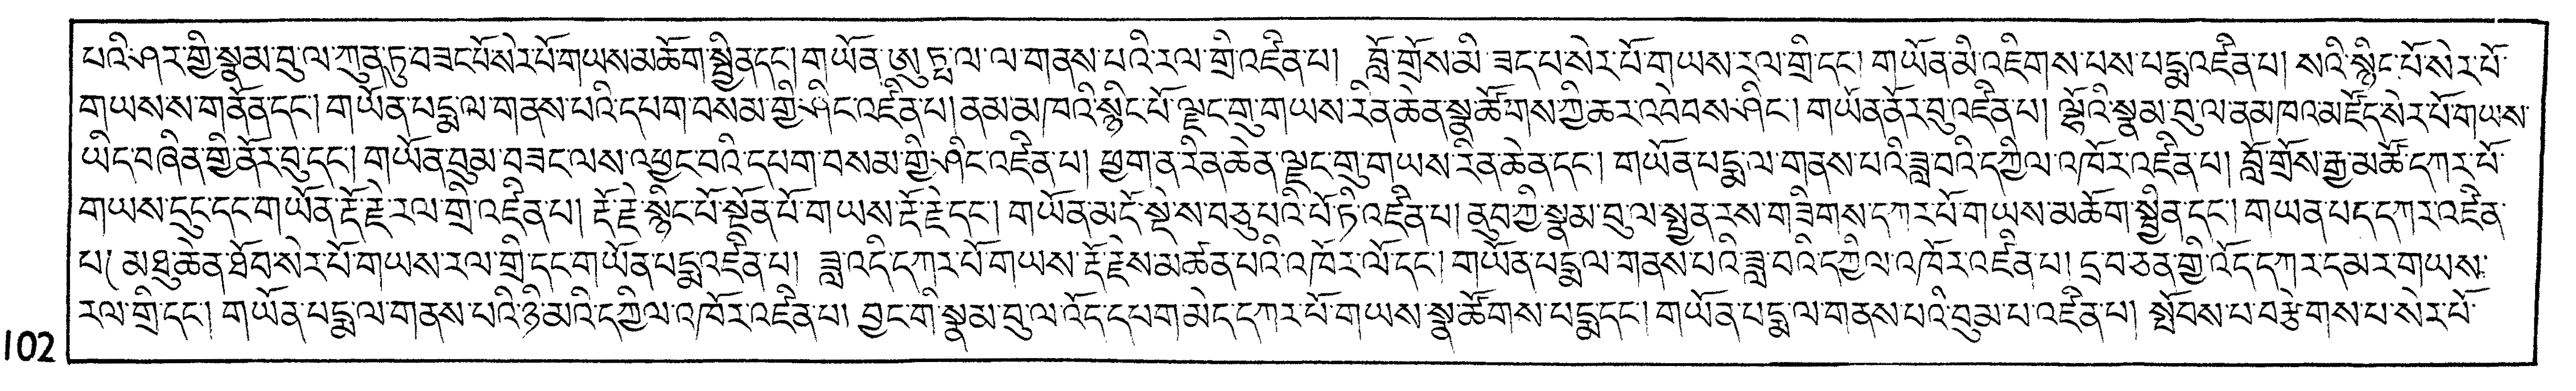པའི་ཤར་གྱི་སྣམ་བུ་ལ་ཀུན་ཏུ་བཟང་པོ་སེར་པོ་གཡས་མཆོག་སྦྱིན་དང་། གཡོན་ཨུཏྤལ་གནས་པའི་རལ་གྲི་འཛིན་པ། བློ་གྲོས་མི་ཟད་པ་སེར་པོ་གཡས་རལ་གྲི་དང་། གཡོན་མི་འཇིགས་པས་པདམ་འཛིན་པ། སའི་སྙིང་པོ་སེར་བོ་
གཡས་ས་གནོན་དང་། གཡོན་པདམ་ལ་གནས་པའི་དཔག་བསམ་གྱི་ཤིང་འཛིན་པ། ནམ་མཁའི་སྙིང་པོ་ཇང་གུ་གཡས་རིན་ཆེན་སྣ་ཚོགས་ཀྱི་ཆར་འབེབས་ཤིང་། གཡོན་ནོར་བུ་འཛིན་པ། ལྷོའི་སྣམ་བུ་ལ་ནམ་མཁའ་མཛོད་སེར་པོ་གཡས་
ཡིད་བཞིན་གྱི་ནོར་བུ་དང་། གཡོན་བུམ་བཟང་ལས་འཕྱང་བའི་དཔག་བསམ་གྱི་ཤིང་འཛིན་པ། ཕྱག་ན་རིན་ཆེན་ལྗང་གུ་གཡས་རིན་ཆེན་དང་། གཡོན་པདམ་ལ་གནས་པའི་ཟླ་བའི་དཀྱིལ་འཁོར་འཛིན་པ། བློ་གྲོས་རྒྱ་མཚོ་དཀར་པོ་
གཡས་དུང་དང་གཡོན་རྡོ་རྗེ་རལ་གྲི་འཛིན་པ། རྡོ་རྗེ་སྙིང་པོ་སྔོན་པོ་གཡས་རྡོ་རྗེ་དང་། གཡོན་མདོ་སྡེ་ས་བཅུ་པའི་པོ་ཏི་འཛིན་པ། ནུབ་ཀྱི་སྣམ་བུ་ལ་སྤྱན་རས་གཟིགས་དཀར་པོ་གཡས་མཆོག་སྦྱིན་དང་། གཡན་པད་དཀར་འཛིན་
པ༑ མཐུ་ཆེན་ཐོབ་སེར་པོ་གཡས་རལ་གྲི་དང་གཡོན་པདམ་འཛིན་པ། ཟླ་འདི་དཀར་པོ་གཡས་རྡོ་རྗེས་མཚན་པའི་འཁོར་ལོ་དང་། གཡོན་པདམ་ལ་གནས་པའི་ཟླ་བའི་དཀྱིལ་འཁོར་འཛིན་པ། དྲ་བ་ཅན་གྱི་འོད་དཀར་དམར་གཡས་
རལ་གྲི་དང་། གཡོན་པདམ་ལ་གནས་པའི་ཉི་མའི་དཀྱིལ་འཁོར་འཛིན་པ། བྱང་གི་སྣམ་བུ་ལ་འོད་དཔག་མེད་དཀར་པོ་གཡས་སྣ་ཚོགས་པདམ་དང་། གཡོན་པདམ་ལ་གནས་པའི་བུམ་པ་འཛིན་པ། སྤོབས་པ་བརྩེགས་པ་སེར་པོ་